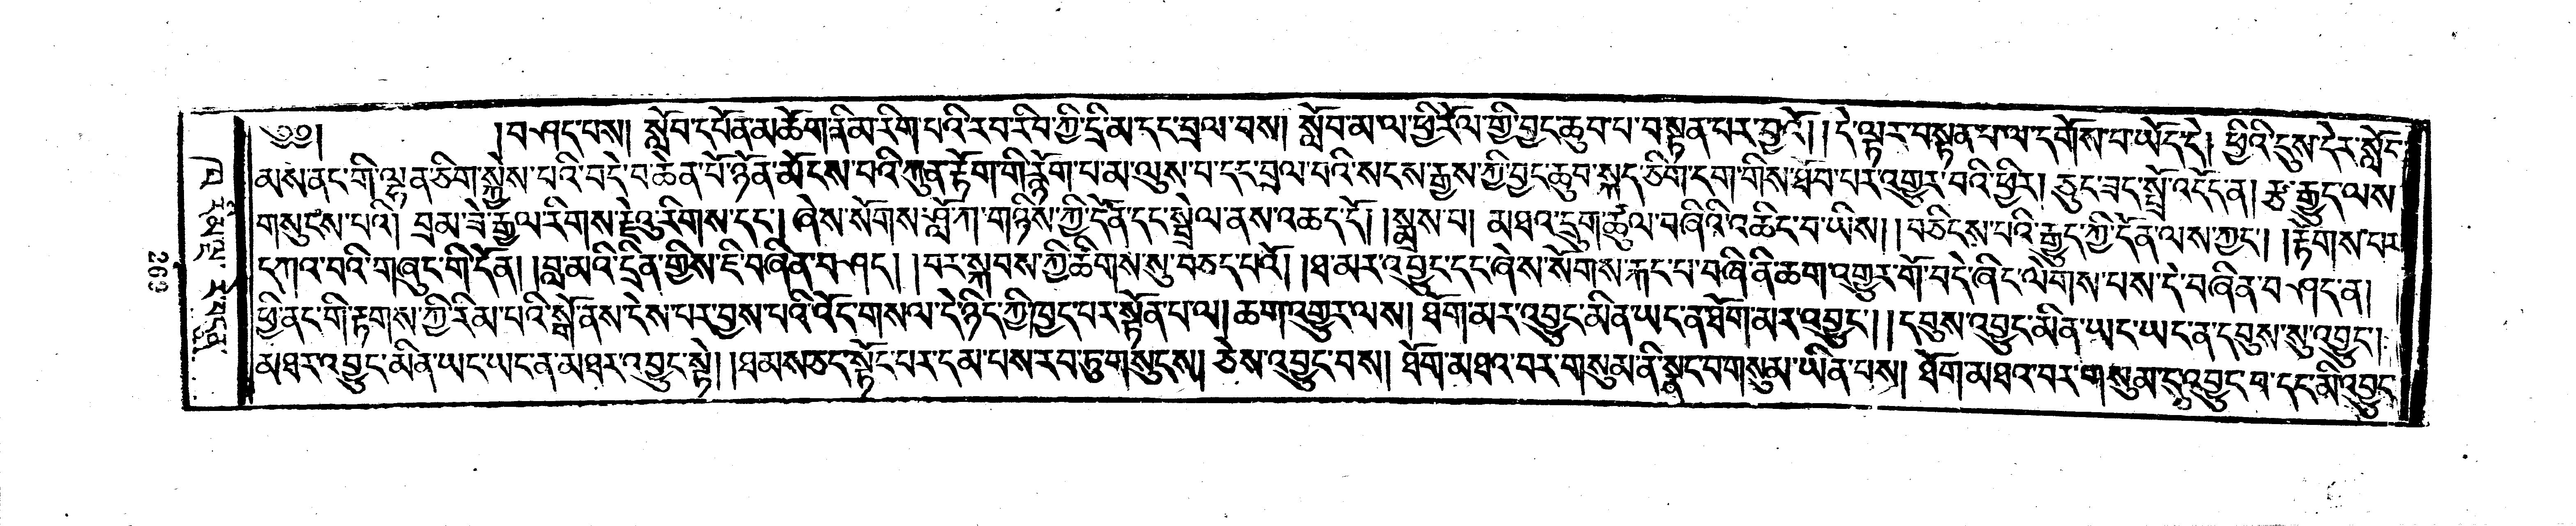༄༅། །བཤད་པས། སློབ་དཔོན་མཆོག་ནི་མ་རིག་པའི་རབ་རིབ་ཀྱི་དྲི་མ་དང་བྲལ་བས། སློབ་མ་ལ་ཕྱི་རོལ་གྱི་བྱང་ཆུབ་པ་བསྟན་པར་བྱའོ། །དེ་ལྟར་བསྟན་པ་ལ་དགོས་པ་ཡོད་དེ། ཕྱིའི་དུས་དེར་སློབ་
མས་ནང་གི་ལྷན་ཅིག་སྐྱེས་པའི་བདེ་བ་ཆེན་པོ་ཉོན་མོངས་པའི་ཀུན་རྟོག་གི་རྙོག་པ་མ་ལུས་པ་དང་བྲལ་བའི་སངས་རྒྱས་ཀྱི་བྱང་ཆུབ་སྐད་ཅིག་ངག་གིས་ཐོབ་པར་འགྱུར་བའི་ཕྱིར། ཅུང་ཟད་སྤྲོ་འདོད་ན། རྩ་རྒྱུད་ལས་
གསུངས་པའི། བྲམ་ཟེ་རྒྱལ་རིགས་རྗེའུ་རིགས་དང་། ཞེས་སོགས་ཤློ་ཀ་གཉིས་ཀྱི་དོན་དང་སྦྲེལ་ནས་འཆད་དོ། །སྨྲས་པ། མཐའ་དྲུག་ཚུལ་བཞིའི་འཆིང་བ་ཡིས། །བཅིངས་པའི་རྒྱུད་ཀྱི་དོན་ལས་ཀྱང་། །རྟོགས་པར་
དཀའ་བའི་གཞུང་གི་དོན། །བླ་མའི་དྲིན་གྱིས་ཇི་བཞིན་བཤད། །བར་སྐབས་ཀྱི་ཚིགས་སུ་བཅད་པའོ། །ཐ་མར་འབྱུང་དང་ཞེས་སོགས་རྐང་པ་བཞི་ནི་ཆག་འགྱུར་གོ་བདེ་ཞིང་ལེགས་པས་དེ་བཞིན་བཤད་ན།
ཕྱི་ནང་གི་རྟགས་ཀྱི་རིམ་པའི་སྒོ་ནས་ངེས་པར་བྱས་པའི་འོད་གསལ་དེ་ཉིད་ཀྱི་ཁྱད་པར་སྟོན་པ་ལ། ཆག་འགྱུར་ལས། ཐོག་མར་འབྱུང་མིན་ཡང་ན་ཐོག་མར་འབྱུང་། །དབུས་འབྱུང་མིན་ཡང་ཡང་ན་དབུས་སུ་འབྱུང་། །
མཐར་འབྱུང་མིན་ཡང་ཡང་ན་མཐར་འབྱུང་སྟེ། །ཐམས་ཅད་སྟོང་པར་དམ་པས་རབ་ཏུ་གསུངས། ཅེས་འབྱུང་བས། ཐོག་མཐའ་བར་གསུམ་ནི་སྣང་བ་གསུམ་ཡིན་པས། ཐོག་མཐའ་བར་གསུམ་དུ་འབྱུང་བ་དང་མི་འབྱུང་